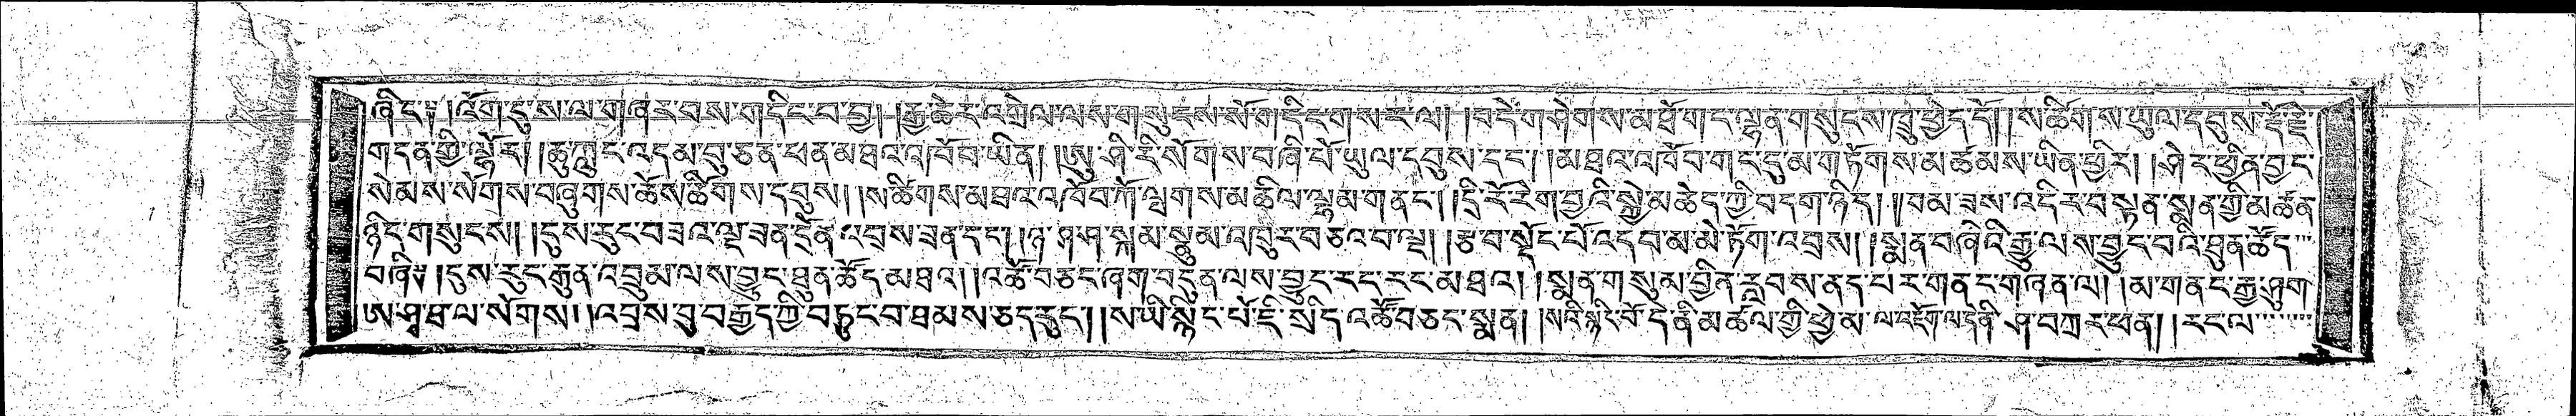ཞིང༑ །འོག་དུ་ས་ལ་གཞར་བས་གདིང་བ་བྱ། །རྒྱ་ཆེར་འགྲེལ་ལས་གསུངས་སོ་གདིང་གསར་ལ། །བདེ་གཤེགས་མཐོ་གང་ལྷན་གསུངས་ཁྲུ་ཕྱེད་དོ། །ས་ཚིགས་ཡུལ་དབུས་རྡོ་རྗེ་
གདན་གྱི་ལྷོར། །ཆུ་ཀླུང་འདམ་བུ་ཅན་ཕན་མཐའ་འཁོབ་ཡིན། །ཨུ་ཤི་རི་སོགས་བཞི་པོ་ཡུལ་དབུས་དང་། །མཐའ་འཁོབ་གང་དུ་མ་གཏོགས་མཚམས་ཡིན་ཕྱིར། །ཤེར་ཕྱིན་བྱང་
སེམས་སོགས་བཞུགས་ཆོས་ཚིགས་དབུས། །ས་ཚིགས་མཐའ་འཁོབ་ཀོ་ལྤགས་མཆིལ་ལྷམ་གནང་། །དྲི་རོ་རེག་བྱའི་སྐྱེ་མཆེད་ཀྱི་བདག་ཉིད། །ཁམ་ཟས་འདིར་བསྟན་སྨན་གྱི་མཚན་
ཉིད་གསུངས། །དུས་རུང་བཟའ་ལྔ་ཟན་དྲོན་འབྲས་ཟན་དང་། །ཉ་ཤ་ཤ་སྐམ་སྣུམ་འཁུར་བཅའ་བ་ལྔ། །རྩ་བ་སྡོང་པོ་འདབ་མ་མེ་ཏོག་འབྲས། །སྨན་བཞིའི་རྒྱུ་ལས་བྱུང་བའི་ཐུན་ཚོད་
བཞི༑ །དུས་རུང་རྒུན་འབྲུམ་ལས་བྱུང་ཐུན་ཚོད་མཐའ། །འཚོ་བཅང་ཞག་བདུན་ལས་བྱུང་རང་རང་མཐའ། །སྨན་གསུམ་བྱིན་རླབས་ནད་པར་གནང་གཞན་ལ། །མ་གནང་རྒྱ་ཤུག་
ཨ་ཤྭ་ཐ་ལ་སོགས། །འབྲས་བུ་བརྒྱད་ཀྱི་བཏུང་བ་ཐམས་ཅད་རུང་། །ས་ཡི་སྙིང་པོ་ཇི་སྲིད་འཚོ་བཅང་སྨན། །སའི་སྙིང་པོ་དེ་ནི་མཚལ་གྱི་ཕྱེ་མ་ལ་འཇོག་ལ་དེ་ནི་ཤ་བཀྲར་ཕན། །རང་ལ་